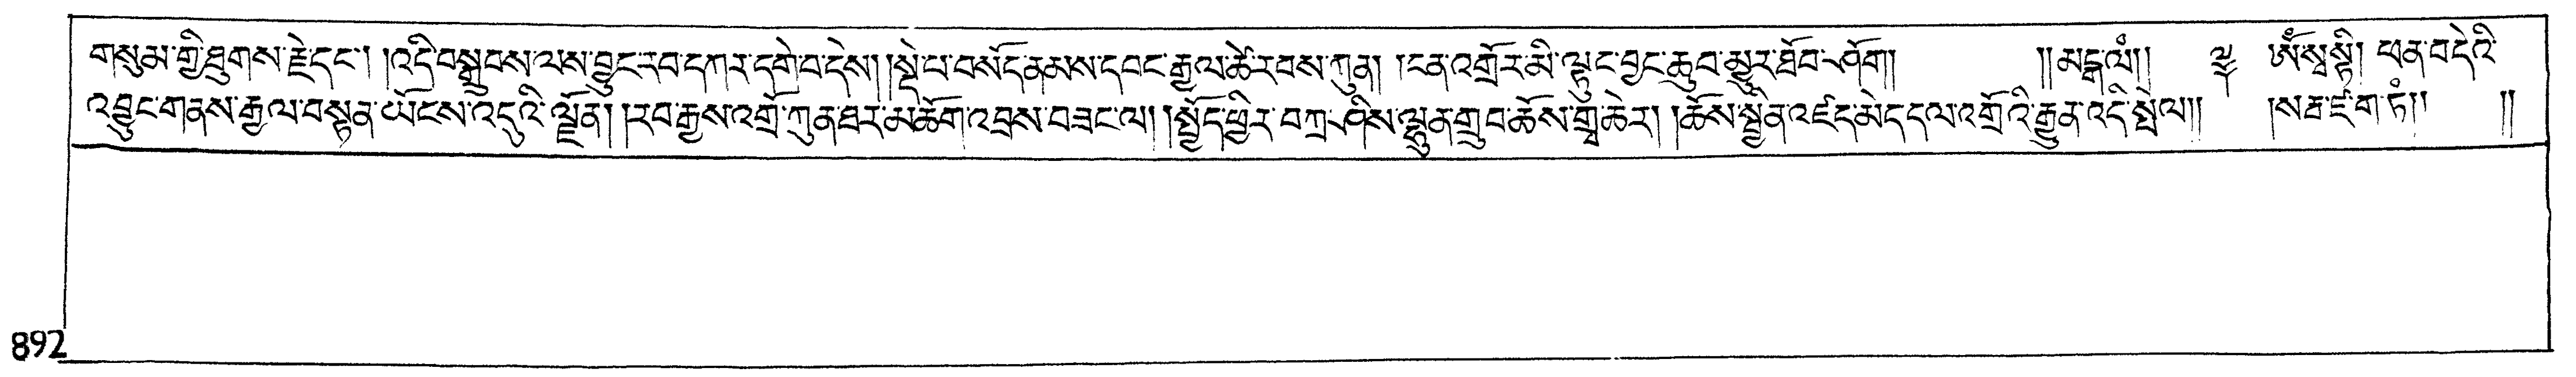གསུམ་གྱི་ཐུགས་རྗེ་དང་། །འདི་བསྒྲུབས་ལས་བྱུང་རབ་དཀར་དགེ་བ་དེས། །སྡེ་པ་བསོད་ནམས་དབང་རྒྱལ་ཚེ་རབས་ཀུན། །ངན་འགྲོར་མི་ལྟུང་བྱང་ཆུབ་མྱུར་ཐོབ་ཤོག ། །།མངྒ་ལཾ།། ༈ ཨོཾ་སྭསྟི། ཕན་བདེའི་
འབྱུང་གནས་རྒྱལ་བསྟན་ཡོངས་འདུའི་ལྗོན། །རབ་རྒྱས་འགྲོ་ཀུན་ཐར་མཆོག་འབྲས་བཟང་ལ། །སྤྱོད་ཕྱིར་བཀྲ་ཤིས་ལྷུན་གྲུབ་ཆོས་གྲྭ་ཆེར། །ཆོས་སྦྱིན་འཛད་མེད་དལ་འགྲོའི་རྒྱུན་འདི་སྤེལ།། །སརྦ་ཛ་ག་ཏཾ།། །